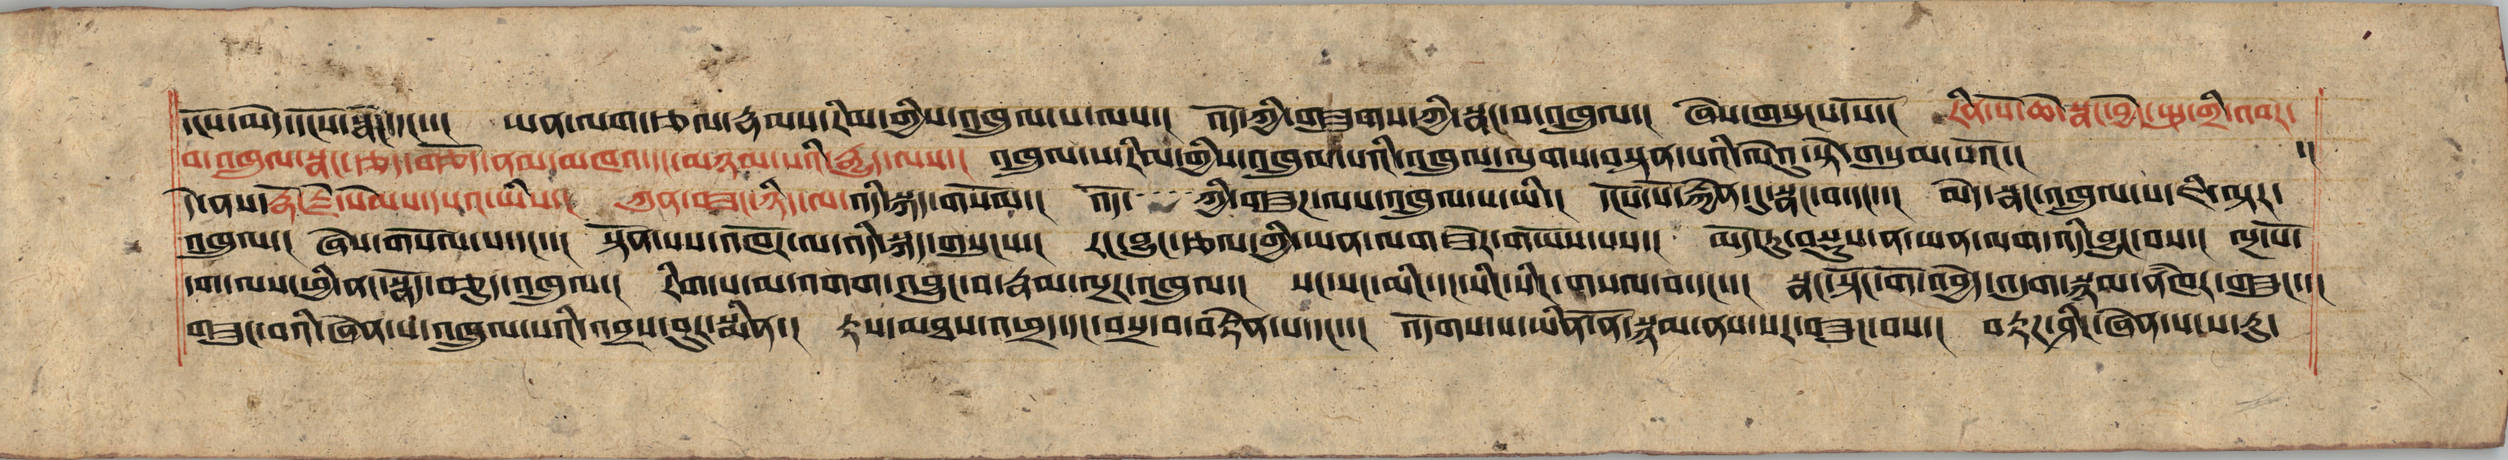དངོས་མེངད་དངོས་སྣང་དང་་། ཡན་ལག་རྩལ་རྣམས་རིམ་གྱིས་འཁྲུལ་པ་ལས་། འོད་ཀྱི་གཟུགས་ཀྱི་སྣང་བ་འཁྲུལ་། ཞེས་གསུངས་སོ་། རིན་པོ་ཆེ་སྣང་བྱེད་སྤུ་གྲི་འབར་།
བ་འཁྲུལ་སྣང་རྩད་གཅོད་ནམ་མཁའ་དང་མཉམ་པའི་རྒྱུད་ལས་། འཁྲུལ་པ་རིམ་གྱིས་འཁྲུལ་པའི་འཁྲུལ་ལུགས་བསྟན་པའི་ལེའུ་སྟེ་གསུམ་པའོ་།
དེ་ནས་རྡོ་རྗེ་སེམས་དཔའ་ཡིས་། ཀུན་བཟང་ཉིད་ལ་འདི་སྐད་གསོལ་། འོད་ ཀྱི་གཟུཌ་ལས་འཁྲུལ་པ་ཡི་། དངོས་པོ་རྐྱེན་དུ་སྣང་བ་དང་་། མེད་སྣང་འཁྲུལ་པ་ཇི་ལྟར་
འཁྲུལ་། ཞེས་གསོལ་པ་དང་་། སྟོན་པས་འཁོར་ལ་འདི་སྐད་གསུངས་། རང་བྱུང་རྩལ་གྱི་ཡན་ལག་ཟེར་གཡོས་པས་། མདོ་རུ་བསྡུས་ན་ཡན་ལག་འདི་བྱུང་བས་། ལྔ་པོ་
དག་ལས་ཕྱི་ནང་སྣོད་བཅུད་འཁྲུལ་། རིག་པ་མ་འགག་འབྱུང་བ་རྣམ་ལྔར་འཁྲུལ་། སང་སང་མིང་དང་སིང་སིང་གསལ་བ་དང་་། སྣང་སྟོང་གོ་འབྱེད་འདུག་སྙམ་ནཾཁར་གཟུང་།
གཟུང་བའི་ཞེན་པ་འཁྲུལ་པའི་འབྲས་བུར་སྨིན་། རྟས་མཐས་འཕྲད་དང་བསྲ་བ་བརྟེན་པ་དང་་། འདོགས་པ་ཡིན་ནོ་སྙམ་ནས་སར་བཟུང་བས་། བརྟཌ་ཤིང་ཞེན་པ་ས་རུ་